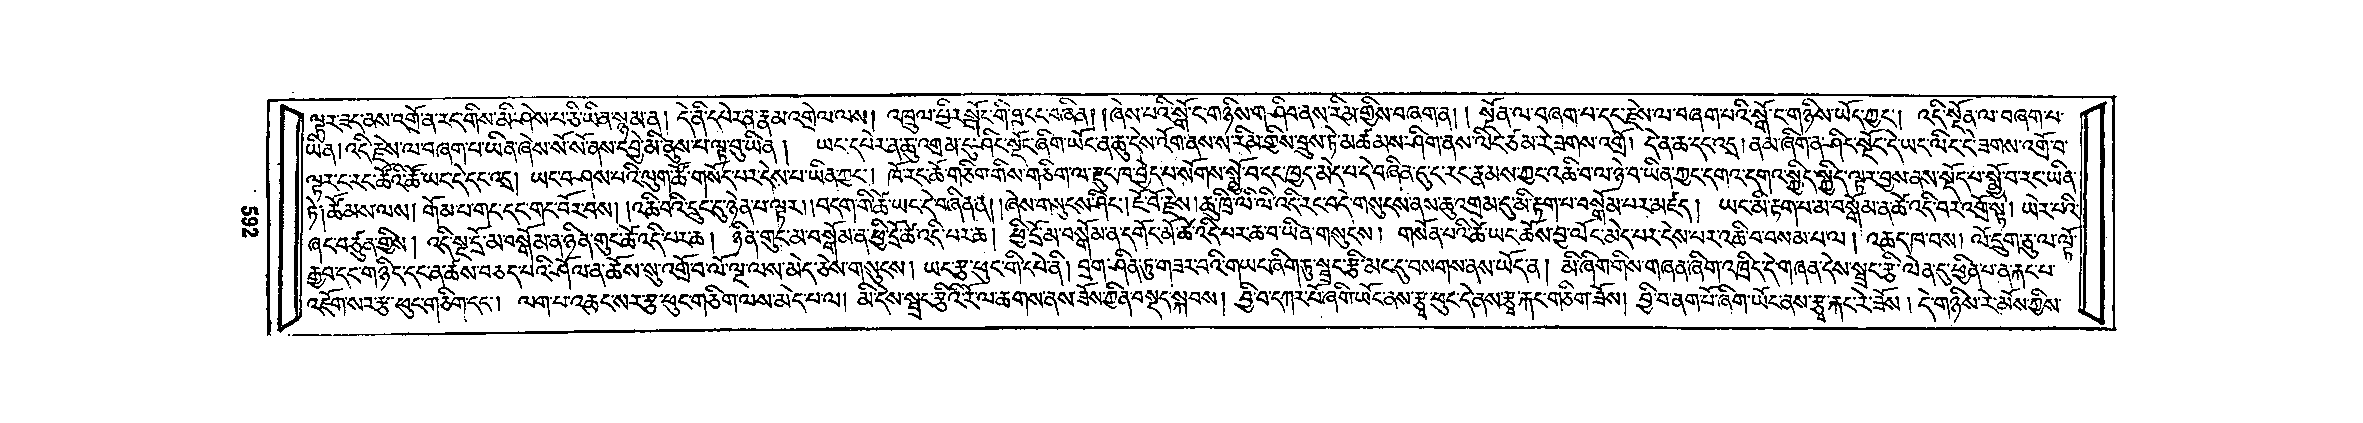ལྟར་ཟད་ནས་འགྲོ་ན་རང་གིས་མི་ཤེས་པ་ཅི་ཡིན་སྙམ་ན། དེ་ནི་དཔེར་ན་རྣམ་འགྲེལ་ལས། འཁྲུལ་ཕྱིར་སྒོང་གི་ཐ་དང་བཞིན། །ཞེས་པའི་སྒོ་ང་གཉིས་གཤིབ་ནས་རིམ་གྱིས་བཞག་ན། །སྔོན་ལ་བཞག་པ་དང་རྗེས་ལ་བཞག་པའི་སྒོ་ང་གཉིས་ཡོད་ཀྱང་། འདི་སྔོན་ལ་བཞག་པ་
ཡིན། འདི་རྗེས་ལ་བཞག་པ་ཡིན་ཞེས་སོ་སོ་ནས་དབྱེ་མི་ནུས་པ་ལྟ་བུ་ཡིན། ཡང་དཔེར་ན་ཆུ་འགྲམ་དུ་ཤིང་སྡོང་ཞིག་ཡོང་ན་ཆུ་དེས་འོག་ནས་ས་རིམ་གྱིས་བྲུས་ཏེ་མཚམས་ཤིག་ནས་ལིང་ཙམ་རེ་ཟགས་འགྲོ་།དེ་ན་ཆ་དང་འདྲ། ནམ་ཞིག་ན་ཤིང་སྡོང་དེ་ཡང་ལིང་ངེ་ཟགས་འགྲོ་བ་
ལྟར་ང་རང་ཚོའི་ཚོ་ཡང་དེ་དང་འདྲ། ཡང་བཤས་པའི་ལུག་ཚོ་གསོད་པར་ངེས་པ་ཡིན་ཀྱང་། ཁོ་རང་ཆོ་གཅིག་གིས་གཅིག་ལ་རྫུང་ཁ་བྱེད་པ་སོགས་སྨྱོ་བ་དང་ཁྱད་མེད་པ་དེ་བཞིན་དུ་ང་རང་རྣམས་ཀྱང་འཆི་བ་ལ་ཉེ་བ་ཡིན་ཀྱང་དགའ་དགའ་སྐྱིད་སྐྱིད་ལྟར་བྱས་ནས་སྡོད་པ་སྨྱོ་བ་རང་ཡིན་
ཏེ། ཚོམས་ལས། གོམ་པ་གང་དང་གང་བོར་བས། །འཆི་བའི་དྲུང་དུ་ཉེན་པ་ལྟར། །བདག་གི་ཚེ་ཡང་དེ་བཞིན་ན། །ཞེས་གསུངས་ཤིང་། ཇོ་བོ་རྗེས། ཆུ་ཁྲི་ལི་ལི་འདི་རང་བདེ་གསུངས་ནས་ཆུ་འགྲམ་དུ་མི་རྟག་པ་བསྒོམ་པར་མཛད། ཡང་མི་རྟག་པ་མ་བསྒོམ་ན་ཚེ་འདི་བར་འགྲོ་སྟེ། ཡེར་པའི་
ཞང་བཙུན་གྱིས། འདི་སྔ་དྲོ་མ་བསྒོམ་ན་ཉིན་གུང་ཚེ་འདི་པར་ཆ། ཉིན་གུང་མ་བསྒོམ་ན་ཕྱི་དྲོ་ཚེ་འདི་པར་ཆ། ཕྱི་དྲོ་མ་བསྒོམ་ན་དགོང་མོ་ཚེ་འདི་པར་ཆ་བ་ཡིན་གསུངས། གསོན་པའི་ཚེ་ཡང་ཆོས་བྱ་ལོང་མེད་པར་ངེས་པར་འཆི་བ་བསམ་པ་ལ། འཆད་ཁ་བས། ལོ་དྲུག་ཅུ་ལ་ལྟོ་
རྒྱབ་དང་གཉིད་དང་ན་ཚས་བཅད་པའི་ཤོལ་ན་ཆོས་སུ་འགྲོ་བ་ལོ་ལྔ་ལས་མེད་ཅེས་གསུངས། ཡང་རྩ་ཕུང་གི་དཔེ་ནི། བྲག་ཤིན་ཏུ་གཟར་བའི་གཡང་ཞིག་ཏུ་སྦྲང་རྩི་མང་དུ་བསགས་ནས་ཡོད་ན། མི་ཞིག་གིས་གཞན་ཞིག་འཁྲིད་དེ་གཞན་དེས་སྦྲང་རྩི་ལེན་དུ་ཕྱིན་པ་ན་རྐང་པ་
འཇོག་སར་རྩ་ཕུང་གཅིག་དང་། ལག་པ་འཆང་སར་རྩ་ཕུང་གཅིག་ལས་མེད་པ་ལ། མི་དེས་སྦྲང་རྩིའི་རོ་ལ་ཆགས་ནས་ཟོས་ཀྱིན་བསྡད་སྐབས། བྱི་བ་དཀར་པོ་ཞིག་ཡོང་ནས་རྩྭ་ཕུང་དེ་ནས་རྩྭ་རྐང་གཅིག་ཟོས། བྱི་བ་ནག་པོ་ཞིག་ཡོང་ནས་རྩྭ་རྐང་རེ་ཟོས། དེ་གཉིས་རེ་མོས་ཀྱིས་